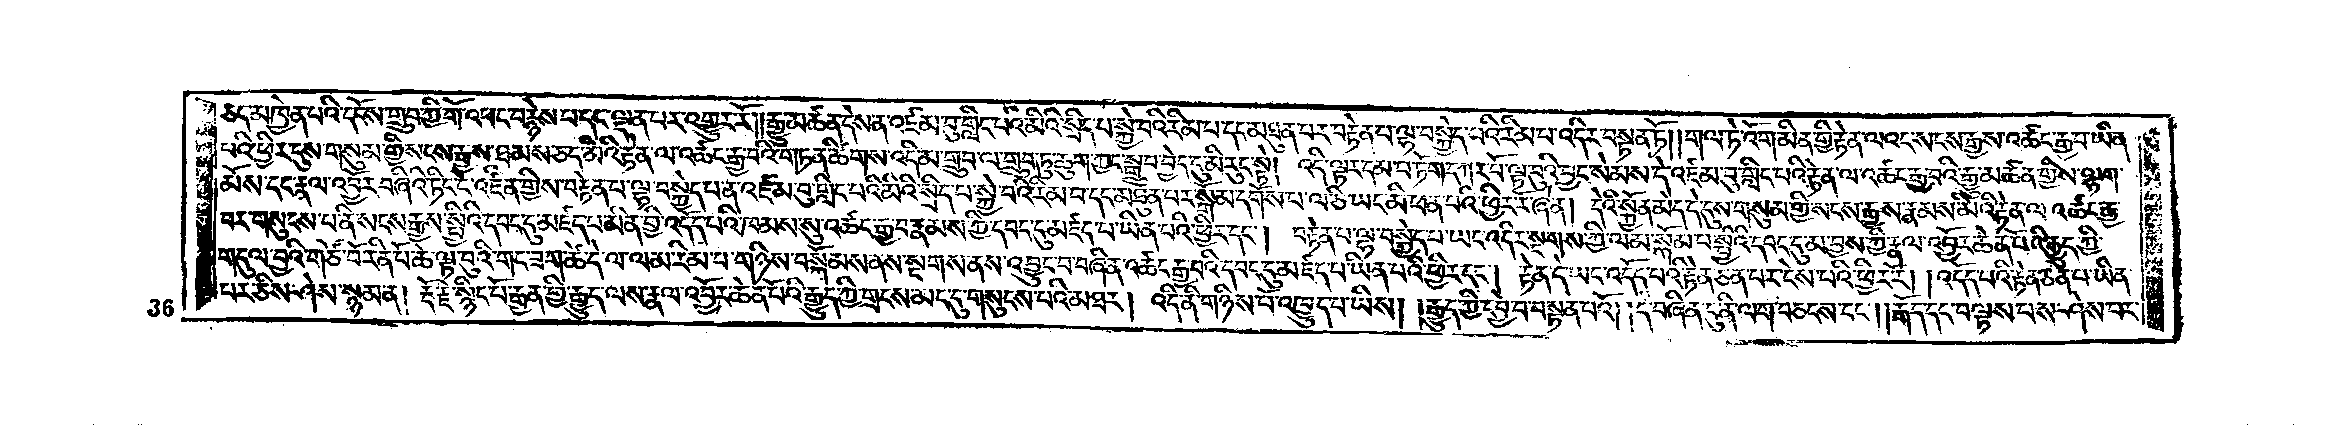ཅད་མཁྱེན་པའི་དངོས་གྲུབ་ཀྱི་གོ་འཕང་བརྙེས་པ་དང་ལྡན་པར་འགྱུར་རོ། །རྒྱུ་མཚན་དེས་ན་འཛམ་བུ་གླིང་པའི་མིའི་སྲིད་པ་སྐྱེ་བའི་རིམ་པ་དང་མཐུན་པར་བརྟེན་པ་ལྷ་བསྐྱེད་པའི་རིམ་པ་འདིར་བསྟན་ཏོ། །གལ་ཏེ་འོག་མིན་གྱི་རྟེན་ལའང་སངས་རྒྱས་འཚང་རྒྱ་བ་ཡིན་
པའི་ཕྱིར་དུས་གསུམ་གྱི་སངས་རྒྱས་ཐམས་ཅད་མིའི་རྟེན་ལ་འཚང་རྒྱ་བའི་གཏན་ཚིགས་འདི་མ་གྲུབ་ལ་གྲུབ་ཏུ་ཆུག་ཀྱང་སྒྲུབ་བྱེད་དུ་མི་རུང་སྟེ། འདི་ལྟར་དམ་པ་ཏོག་དཀར་པོ་ལྟ་བུའི་བྱང་སེམས་དེ་འཛམ་བུ་གླིང་པའི་རྟེན་ལ་འཚང་རྒྱ་བའི་རྒྱུ་མཚན་གྱིས་ལྷག་
མོས་དང་རྣལ་འབྱོར་བཞིའི་ཏིང་ངེ་འཛིན་གྱིས་བརྟེན་པ་ལྷ་བསྐྱེད་པ་ན་འཛམ་བུ་གླིང་པའི་མིའི་སྲིད་པ་སྐྱེ་བའི་རིམ་པ་དང་མཐུན་པར་སྒོམ་དགོས་པ་ལ་ཅི་ཡང་མི་ཕན་པའི་ཕྱིར་རོ་ཞེ་ན། དེའི་སྐྱོན་མེད་དེ་དུས་གསུམ་གྱི་སངས་རྒྱས་རྣམས་མིའི་རྟེན་ལ་འཚང་རྒྱ་
བར་གསུངས་པ་ནི་སངས་རྒྱས་སྤྱིའི་དབང་དུ་མཛད་པ་མིན་གྱི་འདོད་པའི་ཁམས་སུ་འཚང་རྒྱ་བ་རྣམས་ཀྱི་དབང་དུ་མཛད་པ་ཡིན་པའི་ཕྱིར་དང་། བརྟེན་པ་ལྷ་བསྐྱེད་པ་ཡང་འདིར་སྔགས་ཀྱི་ལམ་སྒོམ་པ་སྤྱིའི་དབང་དུ་མ་བྱས་ཀྱི་རྣལ་འབྱོར་ཆེན་པོའི་རྒྱུད་ཀྱི་
གདུལ་བྱའི་གཙོ་བོ་རིན་པོ་ཆེ་ལྟ་བུའི་གང་ཟག་ཚེ་དེ་ལ་ལམ་རིམ་པ་གཉིས་བསྒོམས་ནས་སྔགས་ནས་འབྱུང་བ་བཞིན་འཚང་རྒྱ་བའི་དབང་དུ་མཛད་པ་ཡིན་པའི་ཕྱིར་དང་། རྟེན་དེ་ཡང་འདོད་པའི་རྟེན་ཅན་པར་ངེས་པའི་ཕྱིར་རོ། །འདོད་པའི་རྟེན་ཅན་པ་ཡིན་
པར་ཅིས་ཤེས་སྙམ་ན། རྡོ་རྗེ་སྙིང་པོ་རྒྱན་གྱི་རྒྱུད་ལས་རྣལ་འབྱོར་ཆེན་པོའི་རྒྱུད་ཀྱི་གྲངས་མང་དུ་གསུངས་པའི་མཐར། འདི་ནི་གཉིས་པོ་འཁྱུད་པ་ཡིས། །རྒྱུད་ཀྱི་དབྱེ་བ་བསྟན་པའོ། །དེ་བཞིན་དུ་ནི་ལག་བཅངས་དང་། །རྒོད་དང་བལྟས་པས་ཤེས་པར་